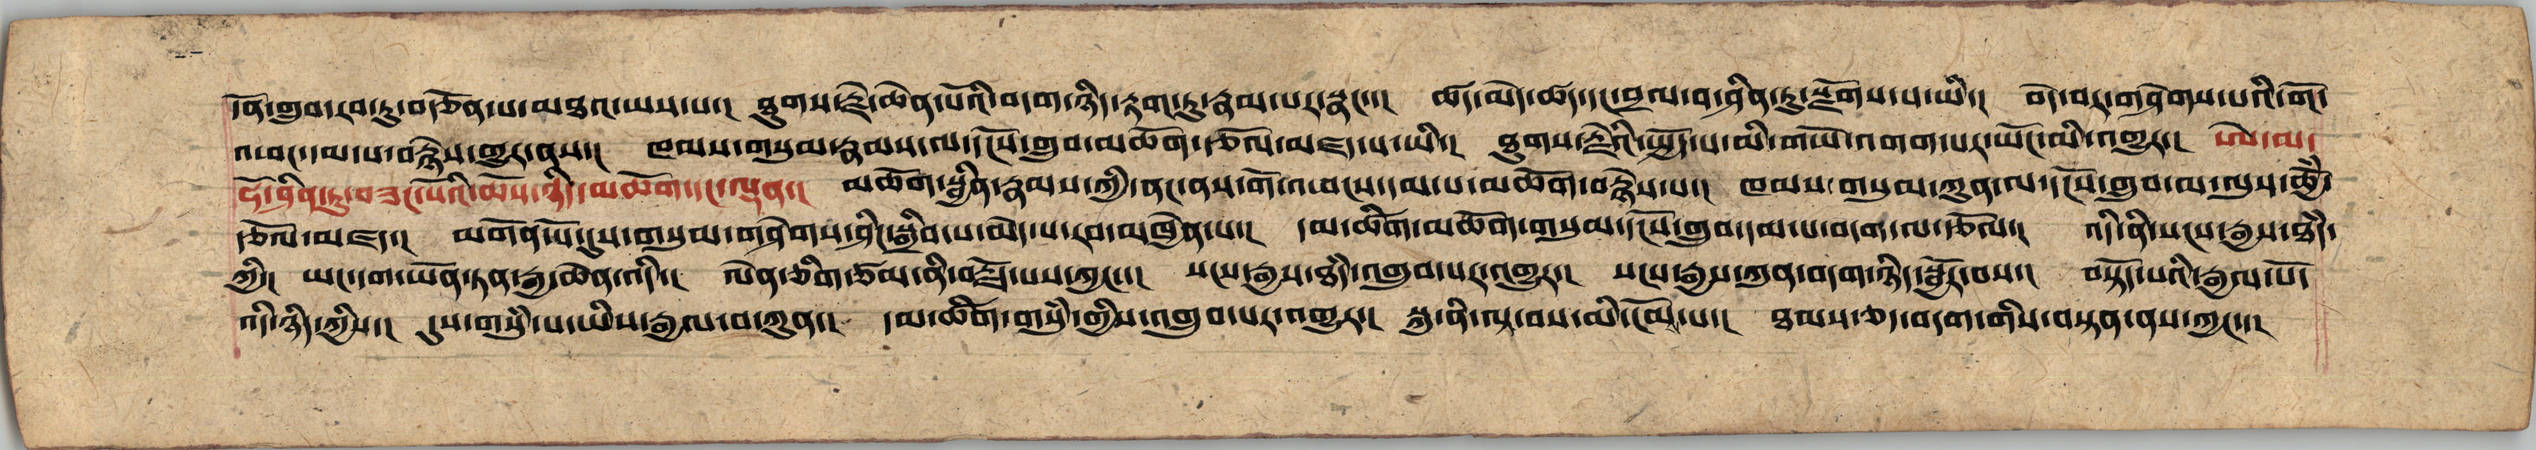དོན་གྲུབ་རབ་ཏུ་བརྩོན་པ་མཐའ་ཡས་པ་། ཐུགས་རྗེ་ཆེན་པོའི་བདག་ཉིད་རྟག་ཏུ་རྣམ་པར་སྣང་། ཚད་མེད་ཚད་དང་བྲལ་བ་ཤིན་ཏུ་སྫོགས་པ་ཡི་། བདེ་བར་གཤེགས་པའི་གོ་
འཕང་དམ་པ་བརྙེས་གྱུར་ན་། ཁམས་གསུམ་རྣམས་ལ་དངོས་གྲུབ་མཆོག་རྩོལ་མཛད་པ་ཡི་། ཐུགས་རྗེའི་སྤྱོད་པ་མི་གཡོ་འགག་པར་ཡོང་མི་འགྱུར་། ཨེ་མ་
ཧོ་ཤིན་ཏུ་བཟང་པོའི་ཆོས་ཉིད་མཆོག་དང་ལྡན་། མཆོག་སྦྱིན་རྣམས་ཀྱི་ནང་ནས་གོ་འཕངས་དམ་པ་མཆོག་བརྙེས་པ་། ཁམས་གསུམ་ཀུན་ལ་དངོས་གྲུབ་མ་ལུས་ཆྱོ་
རྩོལ་མཛད་། མགོན་པོ་དུས་གསུམ་གཤེགས་ཤིང་སྒྲིབ་པ་མེད་པ་རབ་མཁྱེན་པ་། དམ་ཚིག་མཆོག་གསུམ་དངོས་གྲུབ་དམ་པ་བདག་ལ་རྩོལ་། འདི་ནི་སངས་རྒྱས་ཐཾད་
ཀྱི་། ཡང་དག་ཡོན་ཏན་རྒྱ་ཆེན་འདི་། ལེན་ཅིག་ཙམ་ནི་བརྗོད་པས་ཀྱང་་། སངས་རྒྱས་ཐཾད་འགྲུབ་པར་འགྱུར་། སངས་རྒྱས་ཀུན་བདག་ཉིད་སྦྱོར་བས་། བསྟོད་པའི་རྒྱལ་པོ་
འདི་ཉིད་ཀྱིས་། དུས་གསུཾ་པ་ཡིས་རྒྱལ་བ་ཀུན་། དམ་ཚིག་གསུཾ་གྱིས་འགྲུབ་པར་འགྱུར་། སྐུ་ནི་ལྟ་བས་མི་ངོམ་པ་། ཐམས་ཅད་བདག་གིས་བསྟན་ནས་ཀྱང་་།